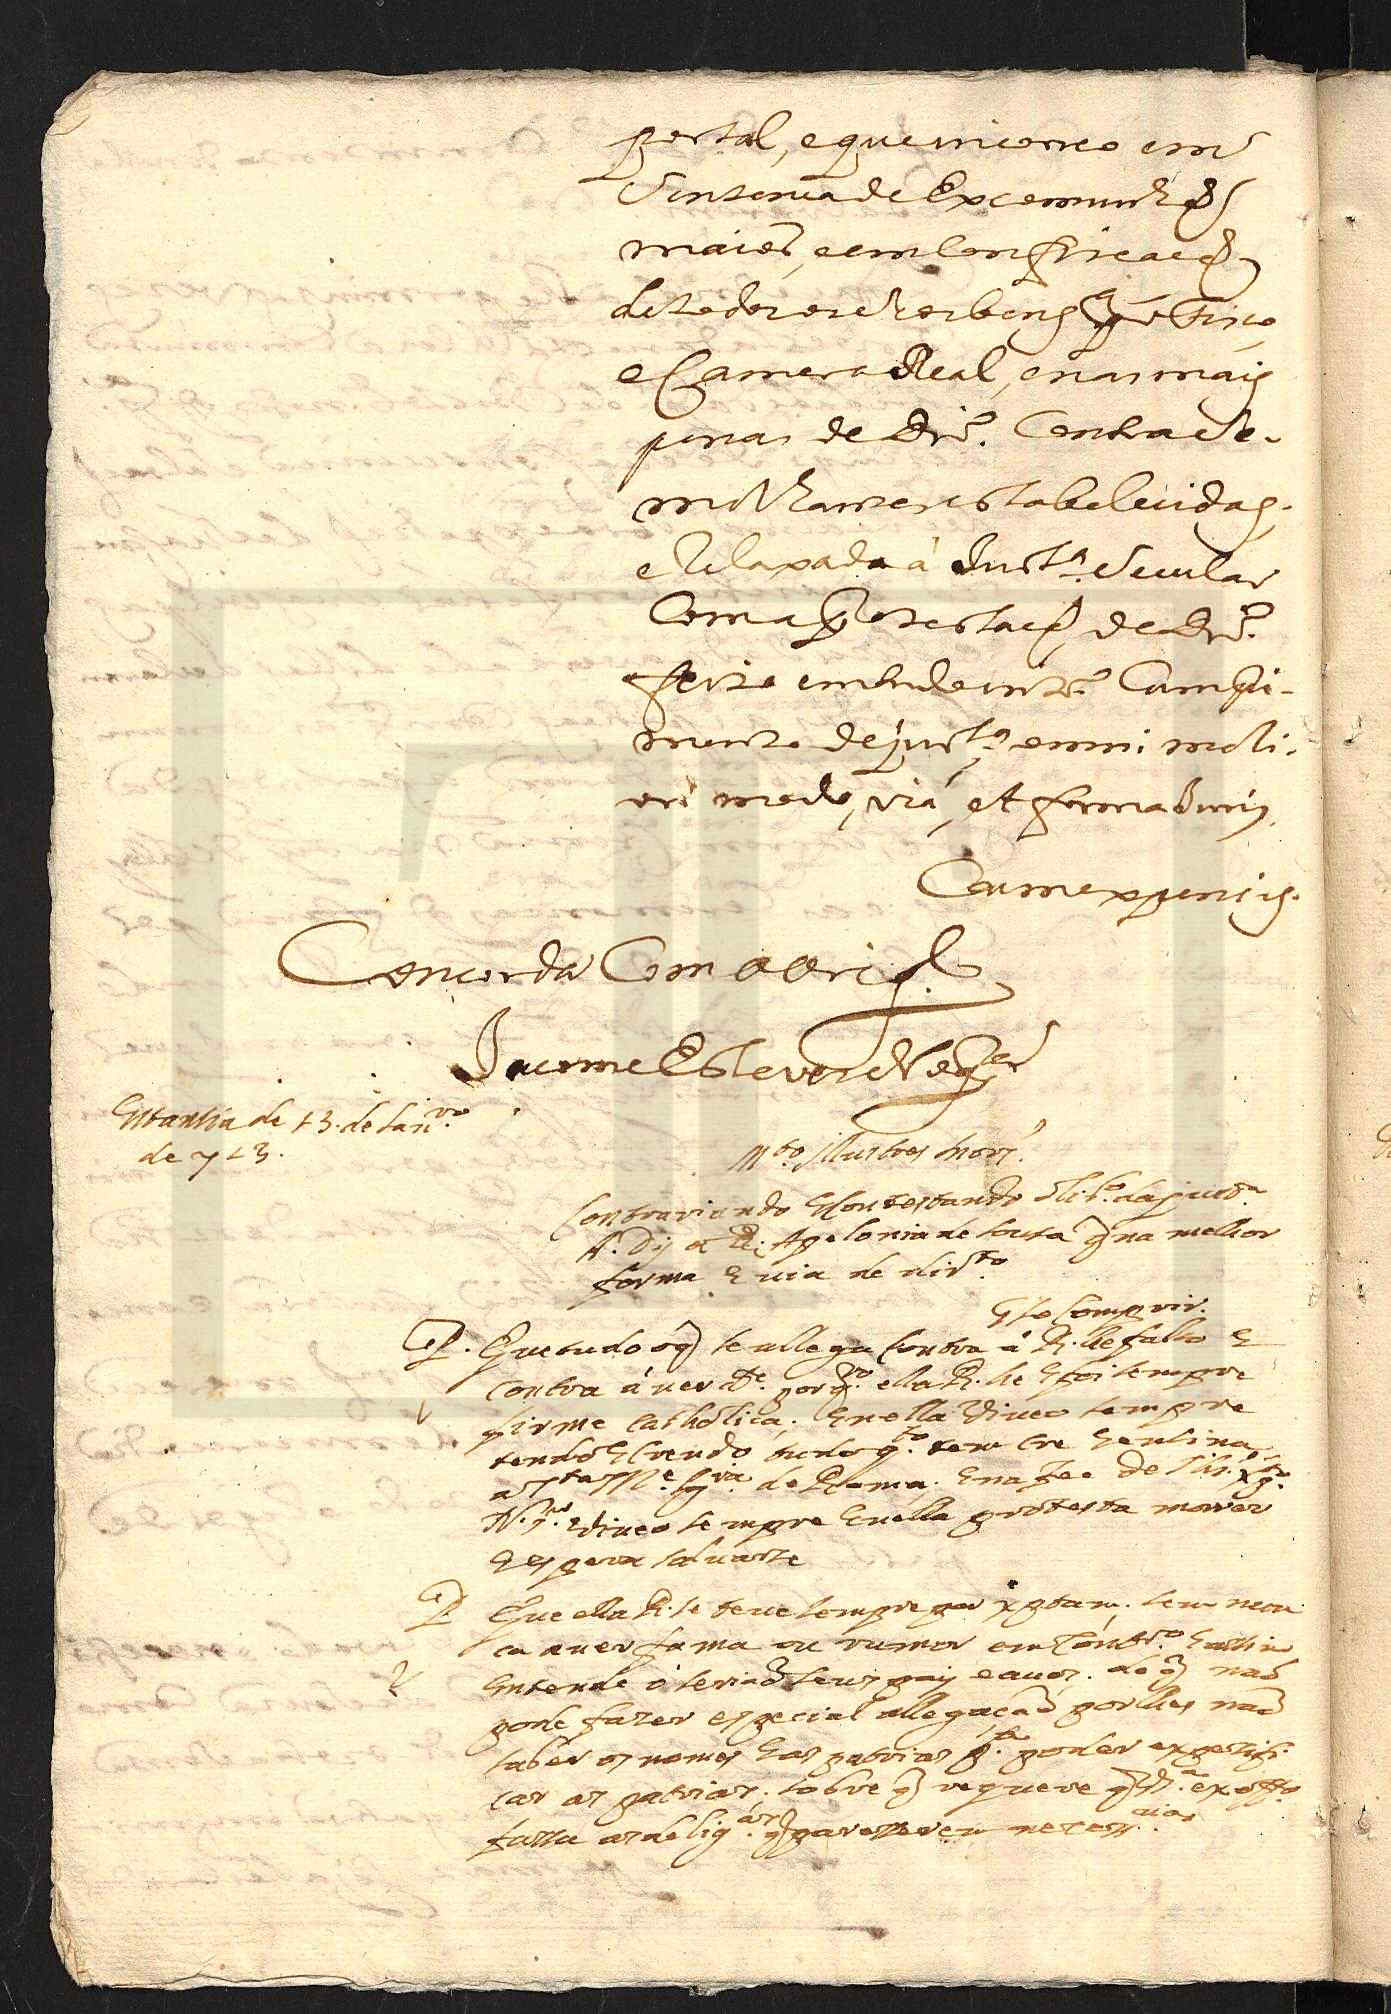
por tal, e que incorreo em
Sentença de Excomunhaõ
maior, e em confiscaçaõ
de todos os seos bens pa o Fisco,
e Camera Real, e nas mais
penas de Dr.o Contra Se
milhantes estabelecidas;
e Relaxada a Iust.a Secular
Com a protestacaõ de Dr.o
feito em todo intr.o CumpRi
mento de just.a omni meli
ori modo, via, et forma Iuris.
Cum expensis.
Concorda Com o orig.l
Iacome Esteves Nogra
Estansia de 13. de Ian.ro
M.to Illustres Snors̄.
Contrariando E Contestando o lib.o da just.a
de 713.
A. Dis a R. Apolonia de sousa q̄ na melhor
forma E uia de dir.to
E se Comprir.
P. Que tudo o q̄ se allega Contra á R. he fallso E
Contra á uerd̄.e. porq.to ela R. he E foi sempre
1
firme catholica; E nella Viueo sempre
tendo E crendo tudo qt.o tem cre E ensina
a sta Me. Igia. de Roma; E na fee de Ihs̄. xpt̄o.
N. so.r E viueo sempre E nella protesta morrer
E espera saluarse
P Que ella R. se teue sempre por xptam; sem nun
ca auer fama ou rumor em Contr.o E assim
2
Entende o seriaõ seus pais e auos. do q̄ naõ
pode fazer especial allegaçaõ por lhes naõ
saber os nomes E as patrias p.a poder expesifi
car as patrias, sobre q̄ requere q̄ Vs.a ex off.o
fassa as delig.as q̄ paresserem necess.rias
